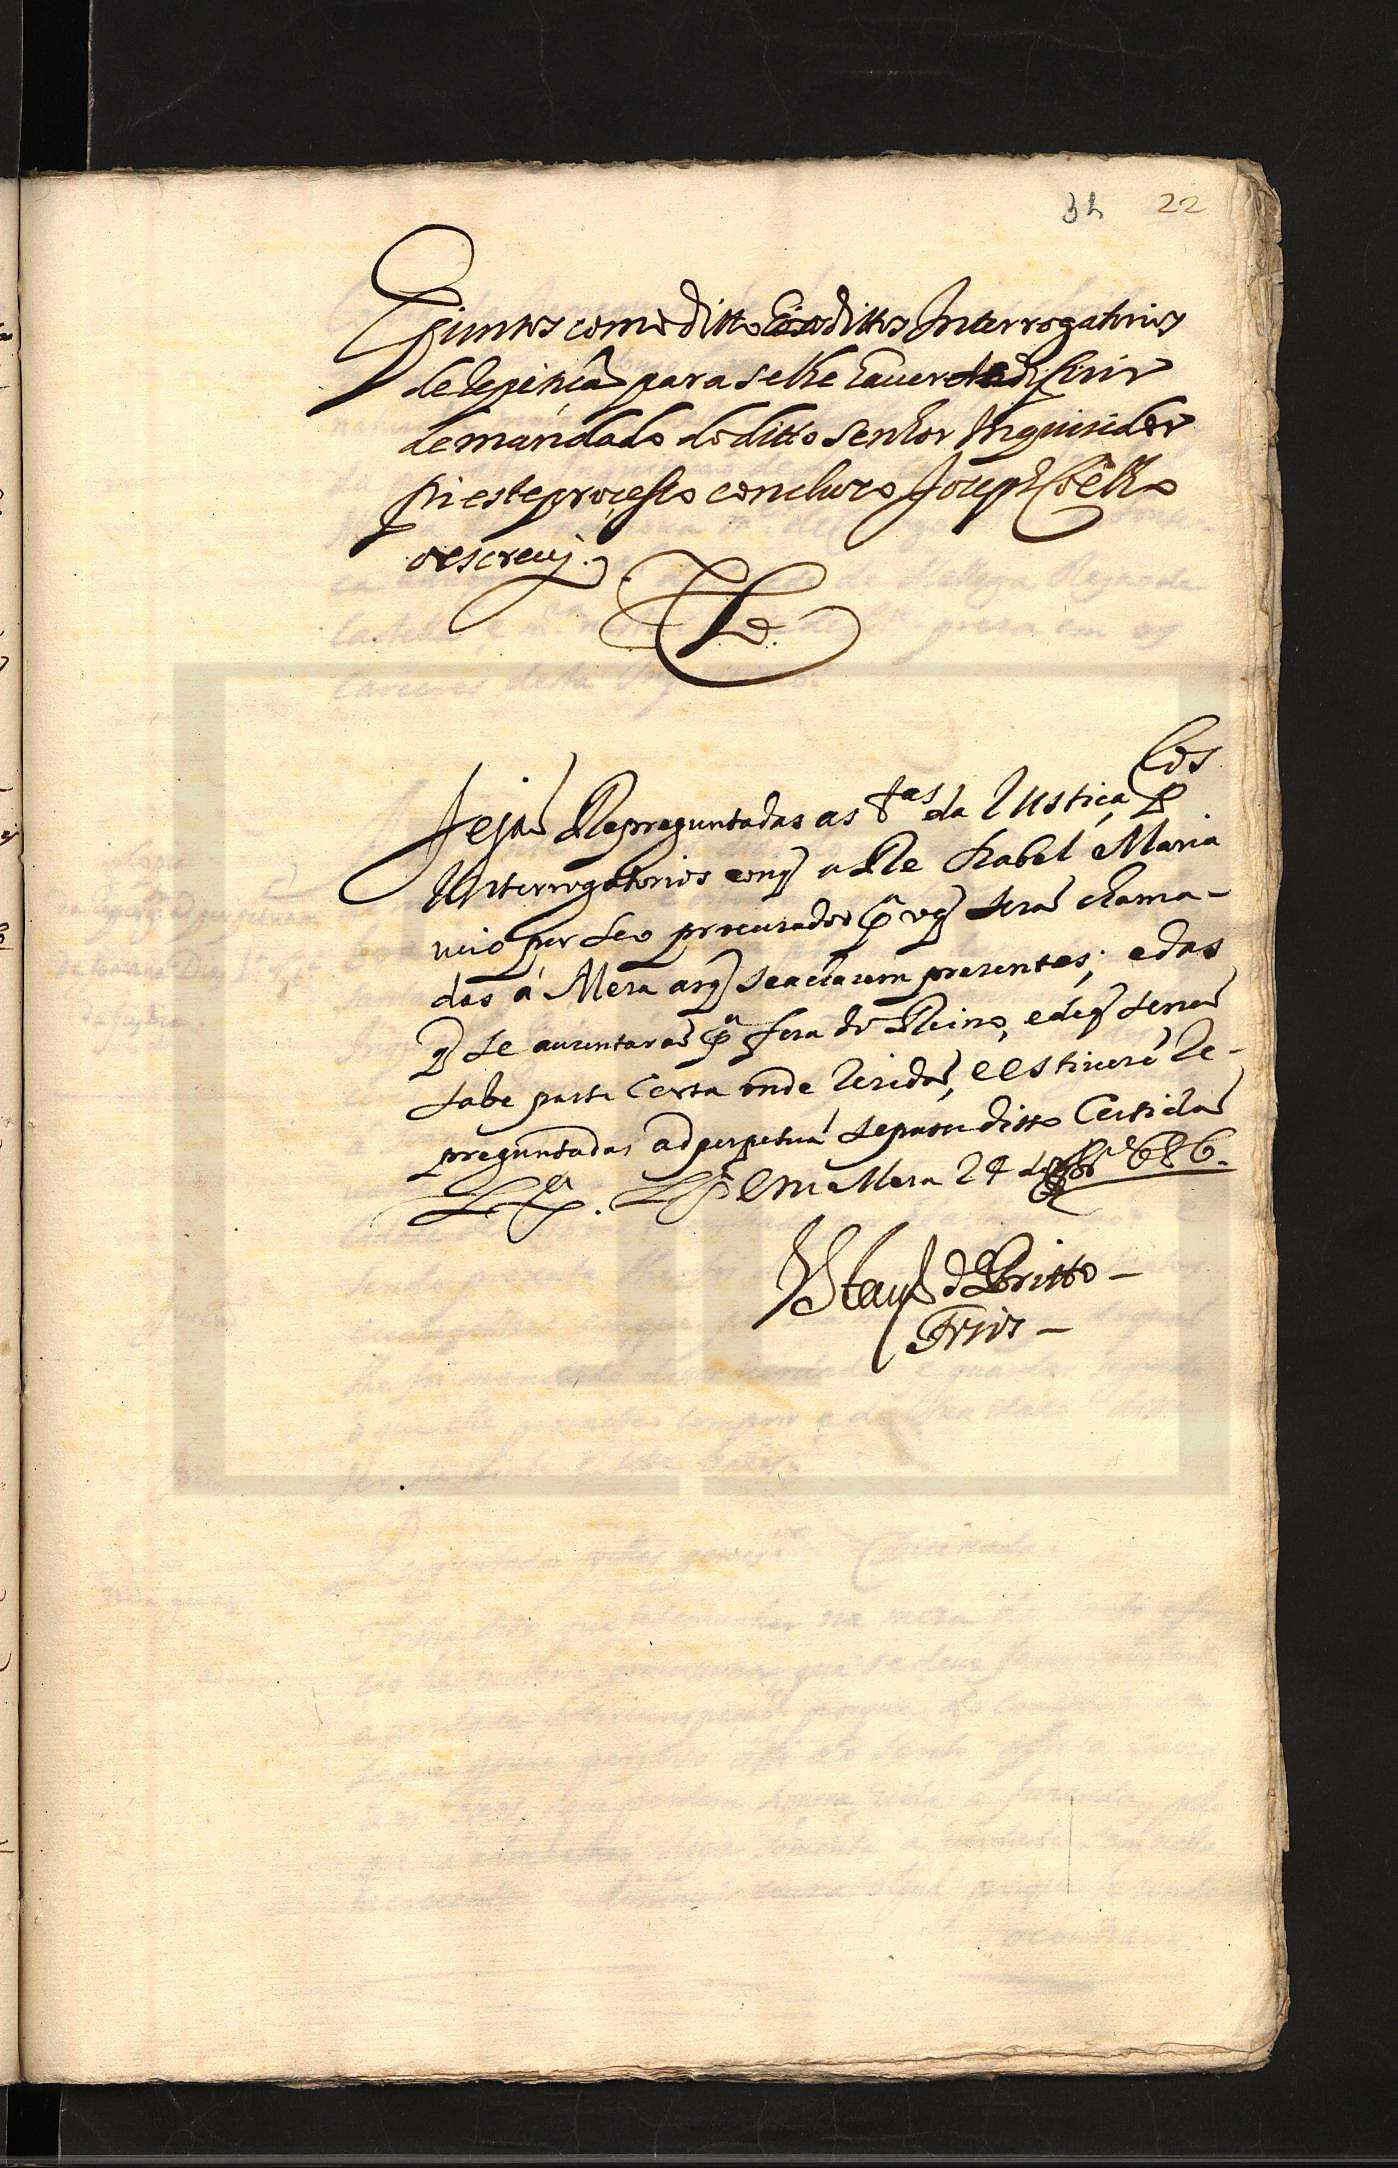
E juntos com o ditto hé os dittos Interrogatorios
de repetiçaõ para se lhe hauer de difinir
de mandado do ditto senhor Inquisidor
foi este proçesso concluzo Jozeph Coelho
o escreuj.
CLo.
Sejaõ Repreguntadas as tas da Iustiça plos
Interrogatorios con q̄ a Re Izabel Maria
ueio per seo procurador pa o q̄ seraõ chama
das à Meza as q̄ se acharem prezentes; e das
q̄ se auzentaraõ pa fora do Reino, e de q̄ se naõ
sabe parte certa onde rezidaõ, e estiuerē Re
preguntadas ad perpetuū se passe disso Certidaõ
LXa. LXa em Meza 24 de _bro 686.
